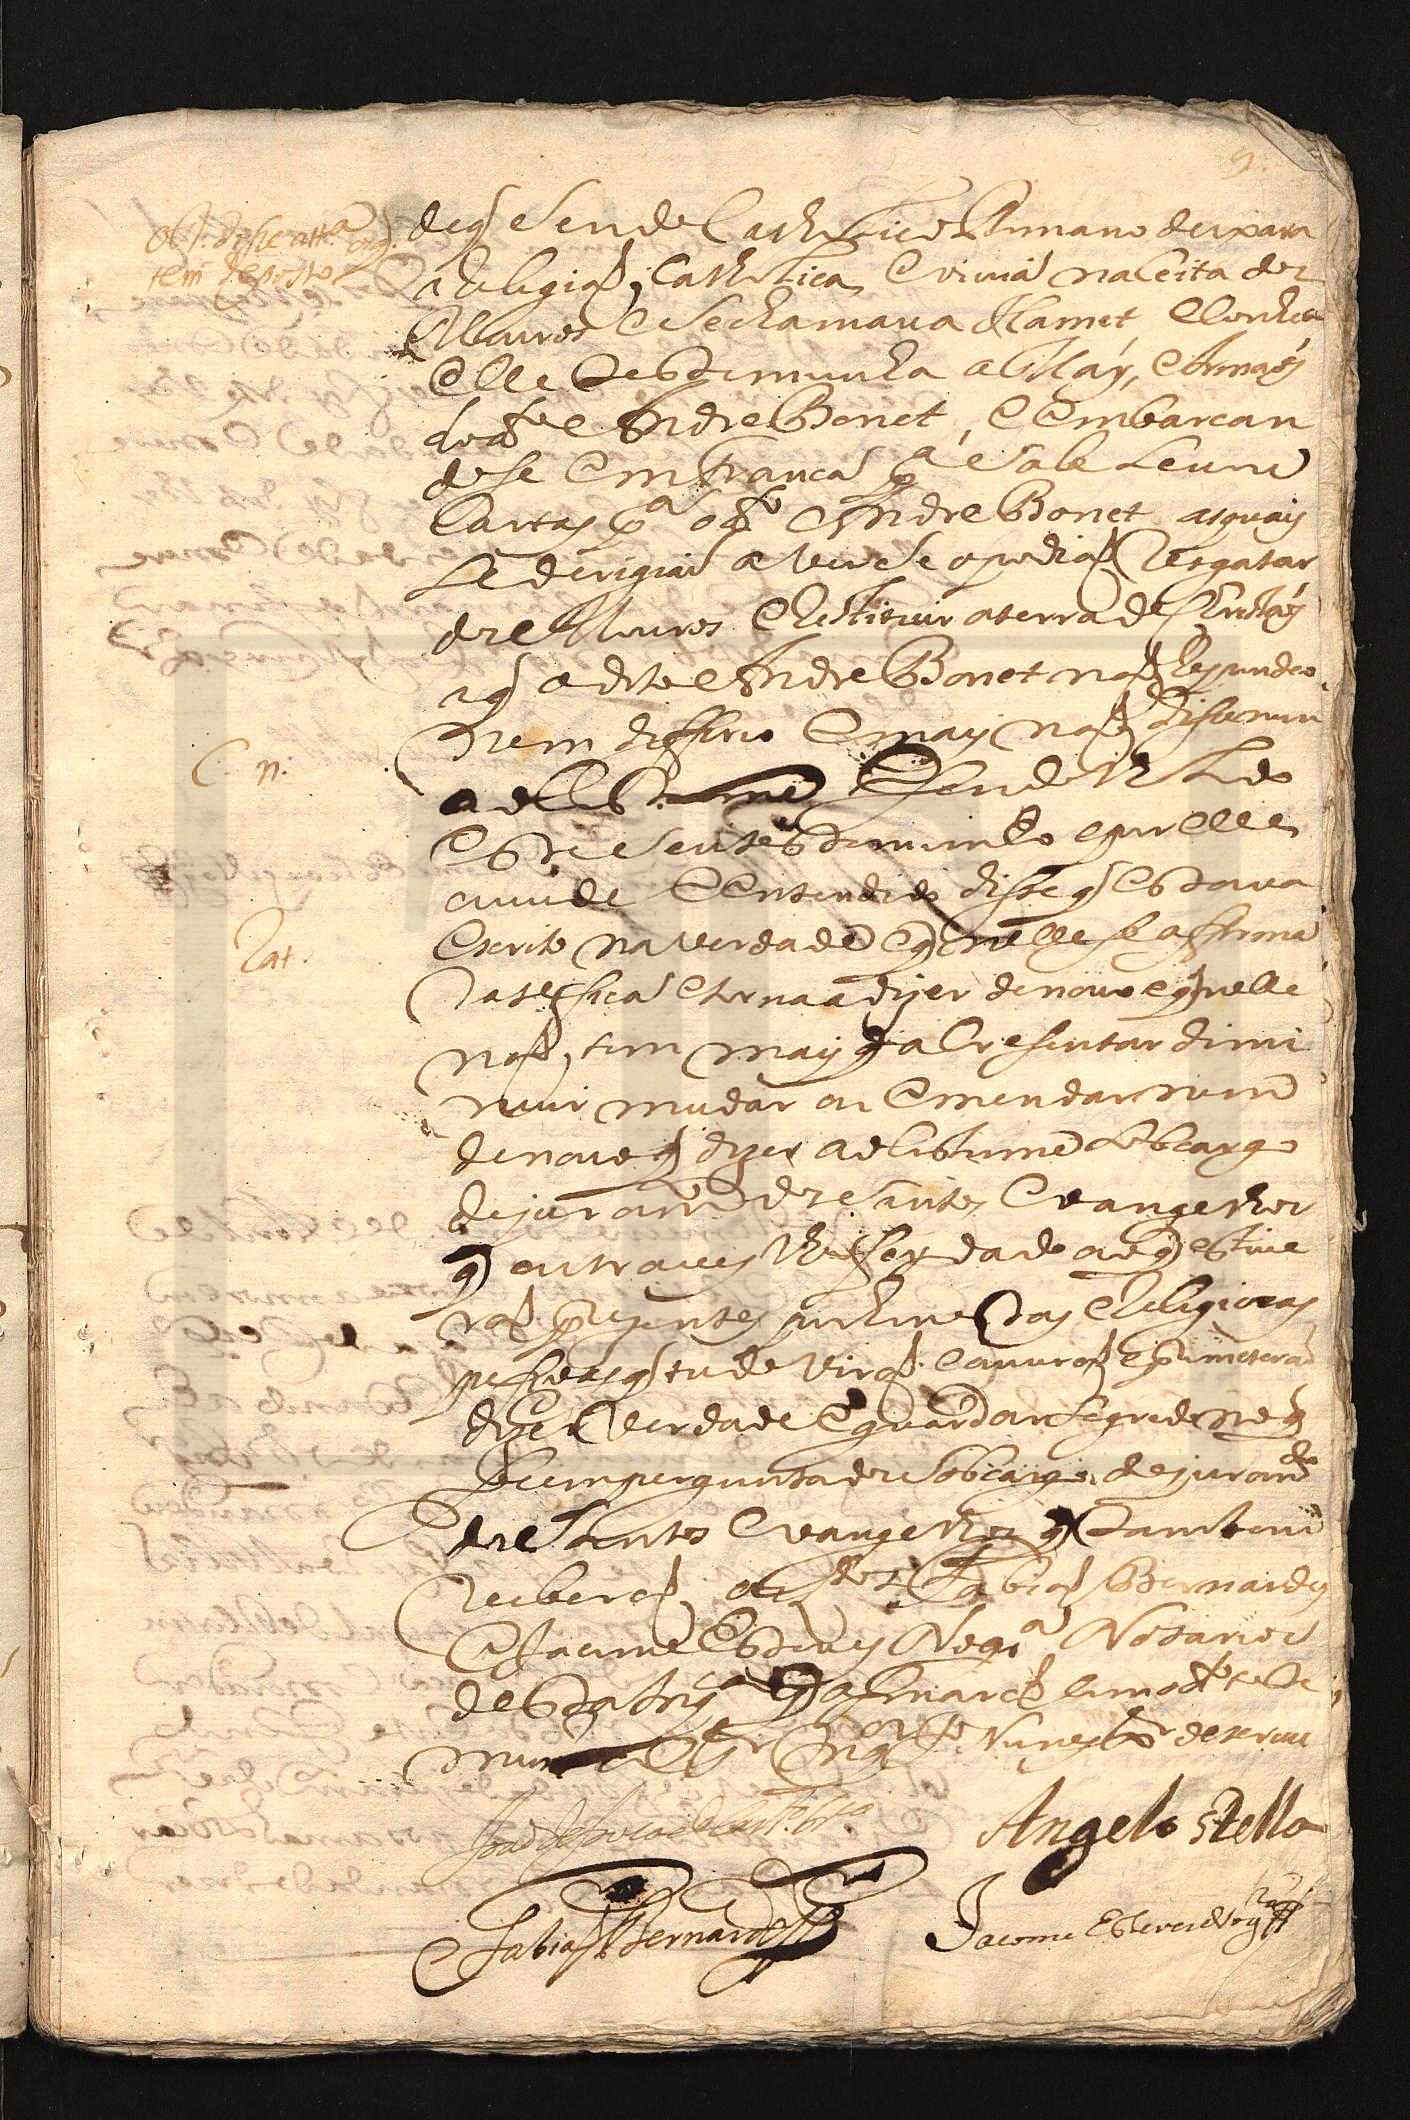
o R. disse a tta. o q̄
tem deposto
Rat.
de q̄ Sendo Catholico Romano deixava
a Religiaõ Catholica, e viuia na Ceita dos
Mouros e se chamaua Hamet, e Conhece
elle testemunha a May, e Irmaõs
do d̄o Andre Bonet, e embarcan
dose em França pa sale leuou
Cartas pa o d̄o Andre Bonet as quais
se derigiaõ a ver se o podiaõ Resgatar
dos Mouros e Restituir a terra de Christaõs
a q̄ o dito Andre Bonet naõ Respondeo
nem differio E mais naõ disse nem
ao Costume E sendolhe Lido
este seu testemunho e por elle
ouuido E entendido disse q̄ estaua
escrito na verdade e q̄ nelle se affirma
Ratefica e torna a dizer de nouo e q̄ nelle
naõ tem mais q̄ aCresentar dimi
nuir mudar ou emendar nem
de nouo q̄ dizer ao Custume sob cargo
de juramto dos Santos Evangelhos
q̄ outra ues lhe foy dado ao q̄ estiue
raõ prezentes por honestas e Religiozas
pessoas q̄ tudo viraõ e ouuraõ e prometeraõ
dizer verdade e guardar segredo no q̄
foce perguntado Sob cargo do juramto
dos Santos Evangelhos q̄ tambem
Receberaõ os Ldos Fabiaõ Bernardes
e Jacome Esteues Nogra Notarios
desta Inqçao q̄ asinaraõ com o d̄o teste
mun_ o sor Inqor Jo Nunes xer o escreui
Angelo stella
Joaõ de souza de Cast.o br.co
Iacome Esteves Nogra
Fabiaõ Bernardes
